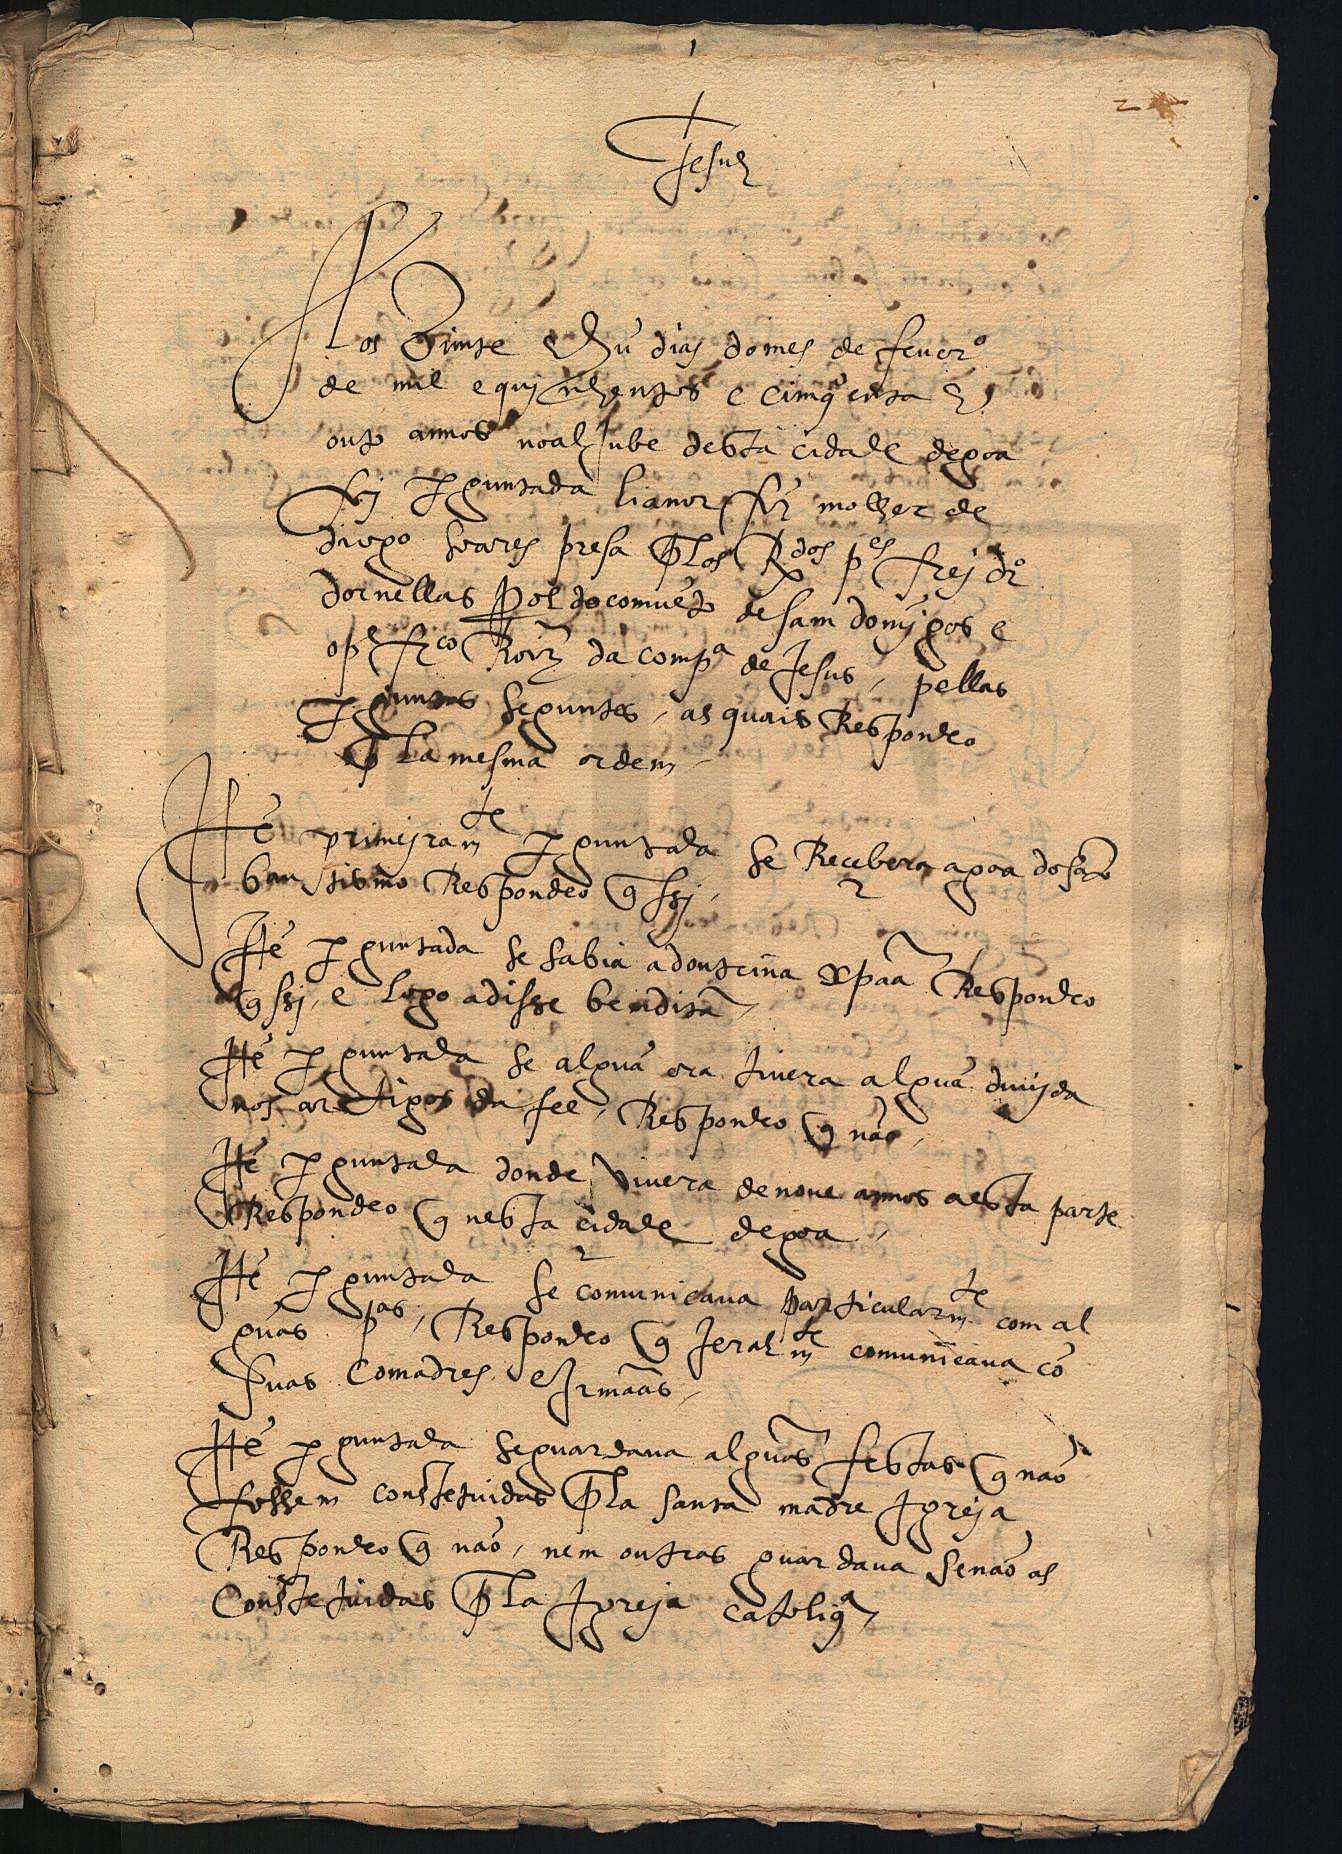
Jesus
Aos Vimte E hū dias do mes de feuero
de mil e qujnhentos e cimqoenta E
outo annos no alJube desta çidade de goa
foy ꝑguntada lianor frz̄ molher de
diogo Soares presa p̄los ℞dos pes Frej dio
dornellas Ꝓol do comuēto de Sam domj̄gos e
o pe frco Roīz da compa de Jesus / pellas
ꝑguntas Seguintes / as quais Respondeo
p̄la mesma ordem
Jtē primejramte ꝑguntada Se Reçebera agoa do sāto
bautismo Respondeo q̄ ssj
Jtē ꝑguntada se sabia a doutrina xpaā Respondeo
q̄ ssj e logo a disse bem ditā /
Jtē ꝑguntada se alguā ora tiuera alguā duujda
nos artigos da fee / Respondeo q̄ não
Jtē ꝑguntada donde viuera de noue annos a esta parte
Respondeo q̄ nesta çidade de goa /
Jtē ꝑguntada se comunicaua particularmte com al
gūas pas / Respondeo q̄ Jeralmte comunicaua cō
Suas Comadres e Jrmāas /
Jtem ꝑguntada se guardaua alguās festas q̄ naõ
fossem constetuidas p̄la santa madre Jgreja
Respondeo q̄ não / nem outras guardaua senão as
Constetuidas p̄la Jgreja catoliqa /
